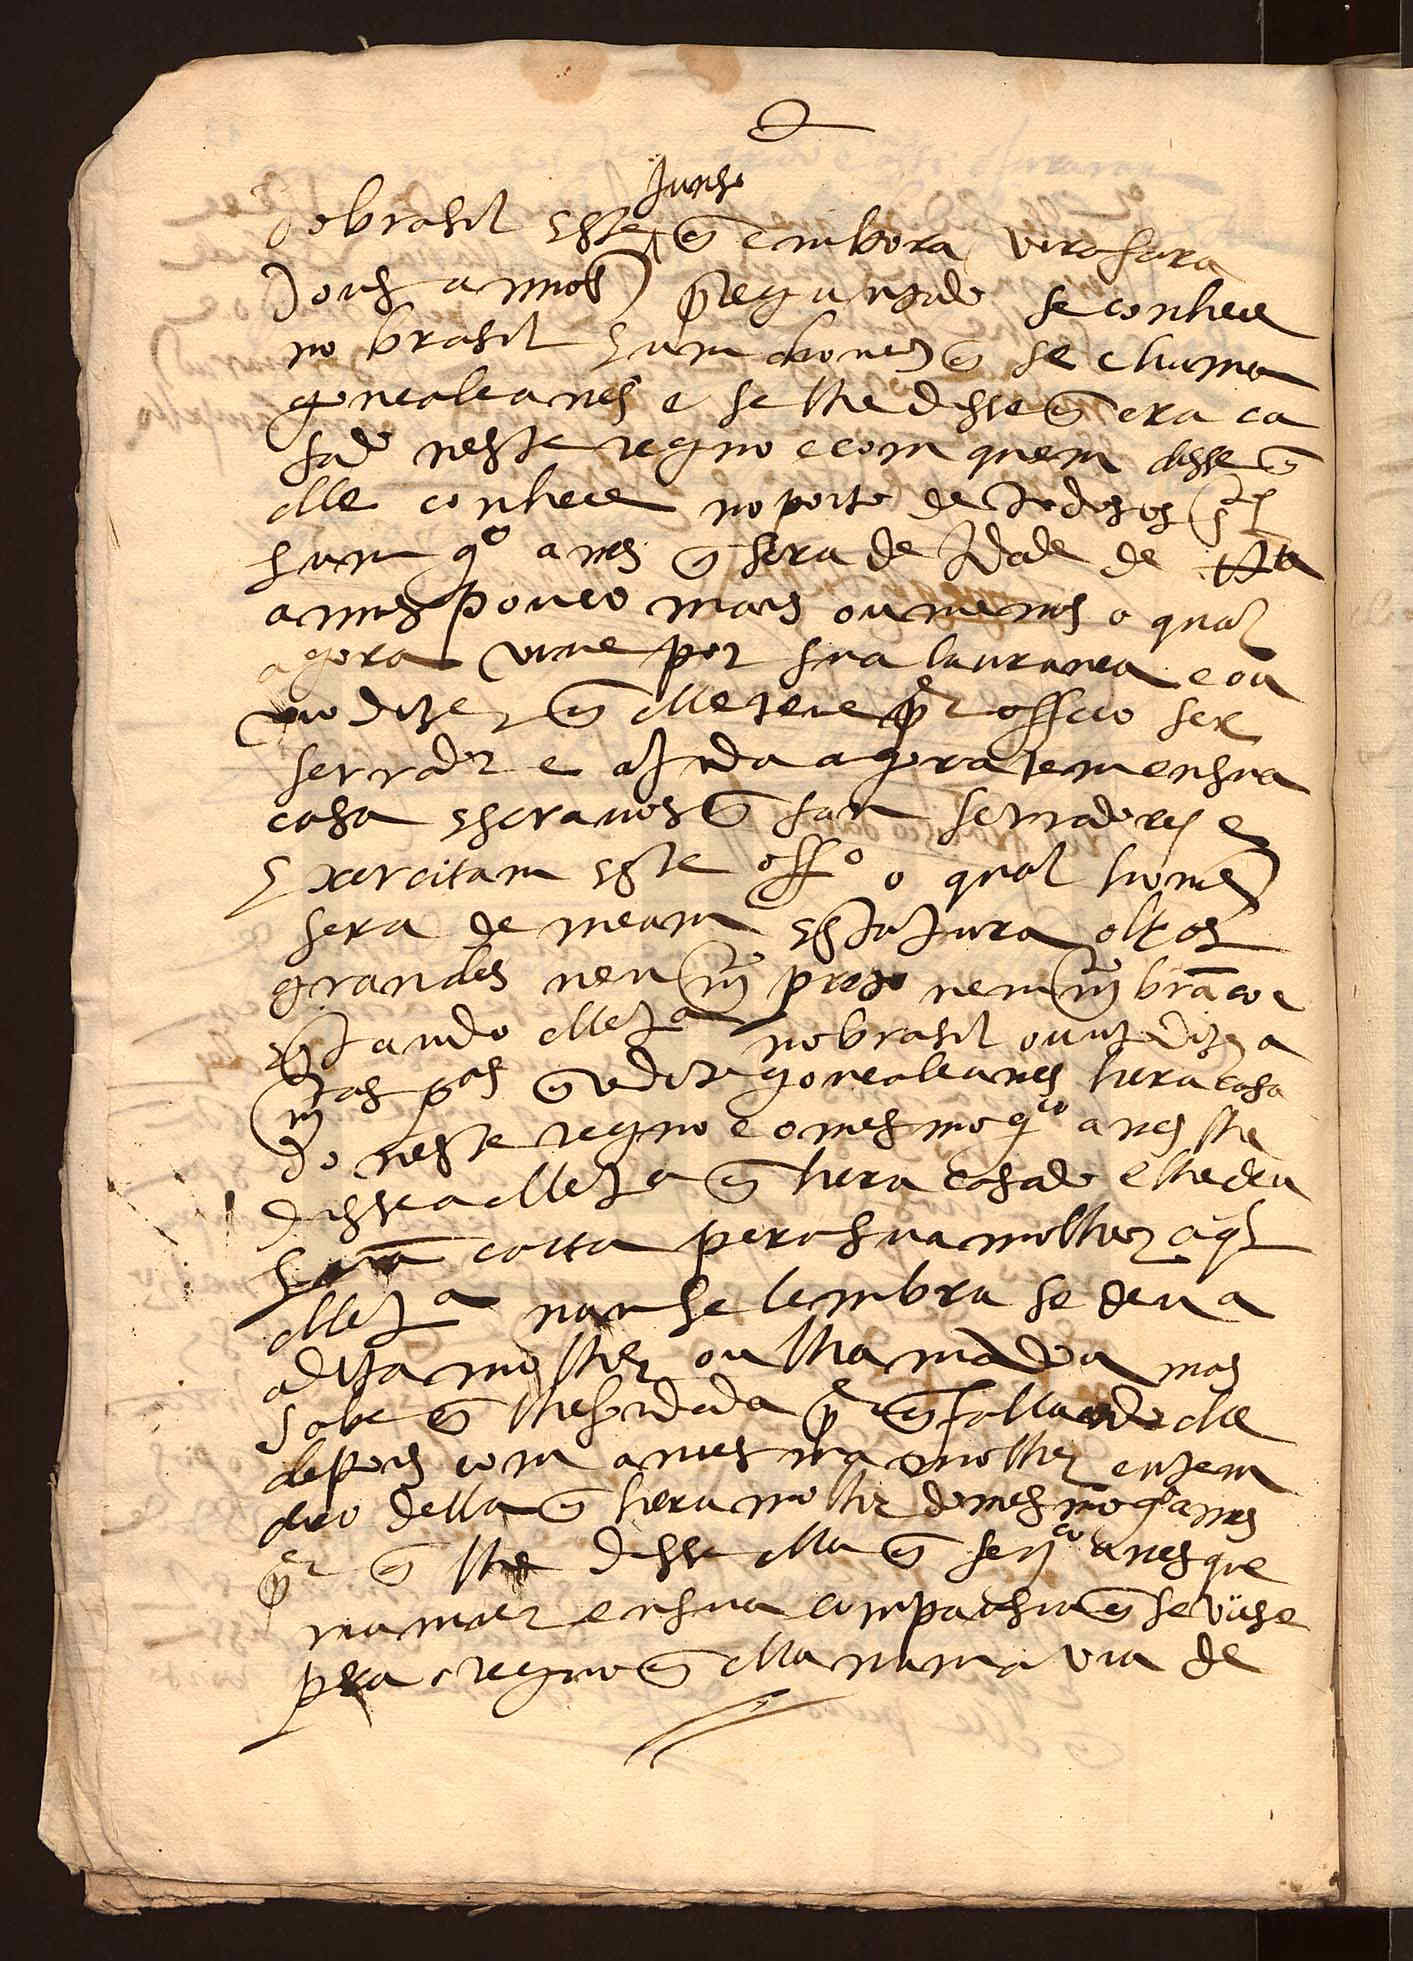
do brasil Este
Junho
q̄ embora vira fara
dous annos preguntado se conhece
no brasiL hum homē q̄ se chama
goncaleanes e se lhe disse q̄ era ca
sado neste regno e com quem disse q̄
elle conhece no porto de todos os stos
hum go anes q̄ sera de Idade de Rta
annos pouco mais ou menos o quaL
agora viue por sua lauranca e ou
vio dizer q̄ elle teue p̄o offcio ser
serrador e aJnda agora tem en sua
casa Escrauos q̄ san serradores e
Exercitam Este offo o qual homē
sera de meam Estatura olhos
grandes nen mto preto nem mto brāco e
Estando elle ta no brasil ouujo dizer a
mtas pas q̄ o dito goncaleanes hera casa
do neste regno e o mesmo gco anes lhe
disse a elle ta q̄ hera casado e lhe deu
huā carta pera sua molher a q̄L
elle ta nan se lembra se deu a
a dita molher ou lha mādou mas
Sabe q̄ lhe foi dada p̄o q̄ fallando elle
depois com a mesma molher entem
deo della q̄ hera molher do mesmo go anes
p̄o q̄ lhe disse ella q̄ se gco anes que
ria maes en sua companhia q̄ se viese
pera o Regno q̄ ella nam avia de
